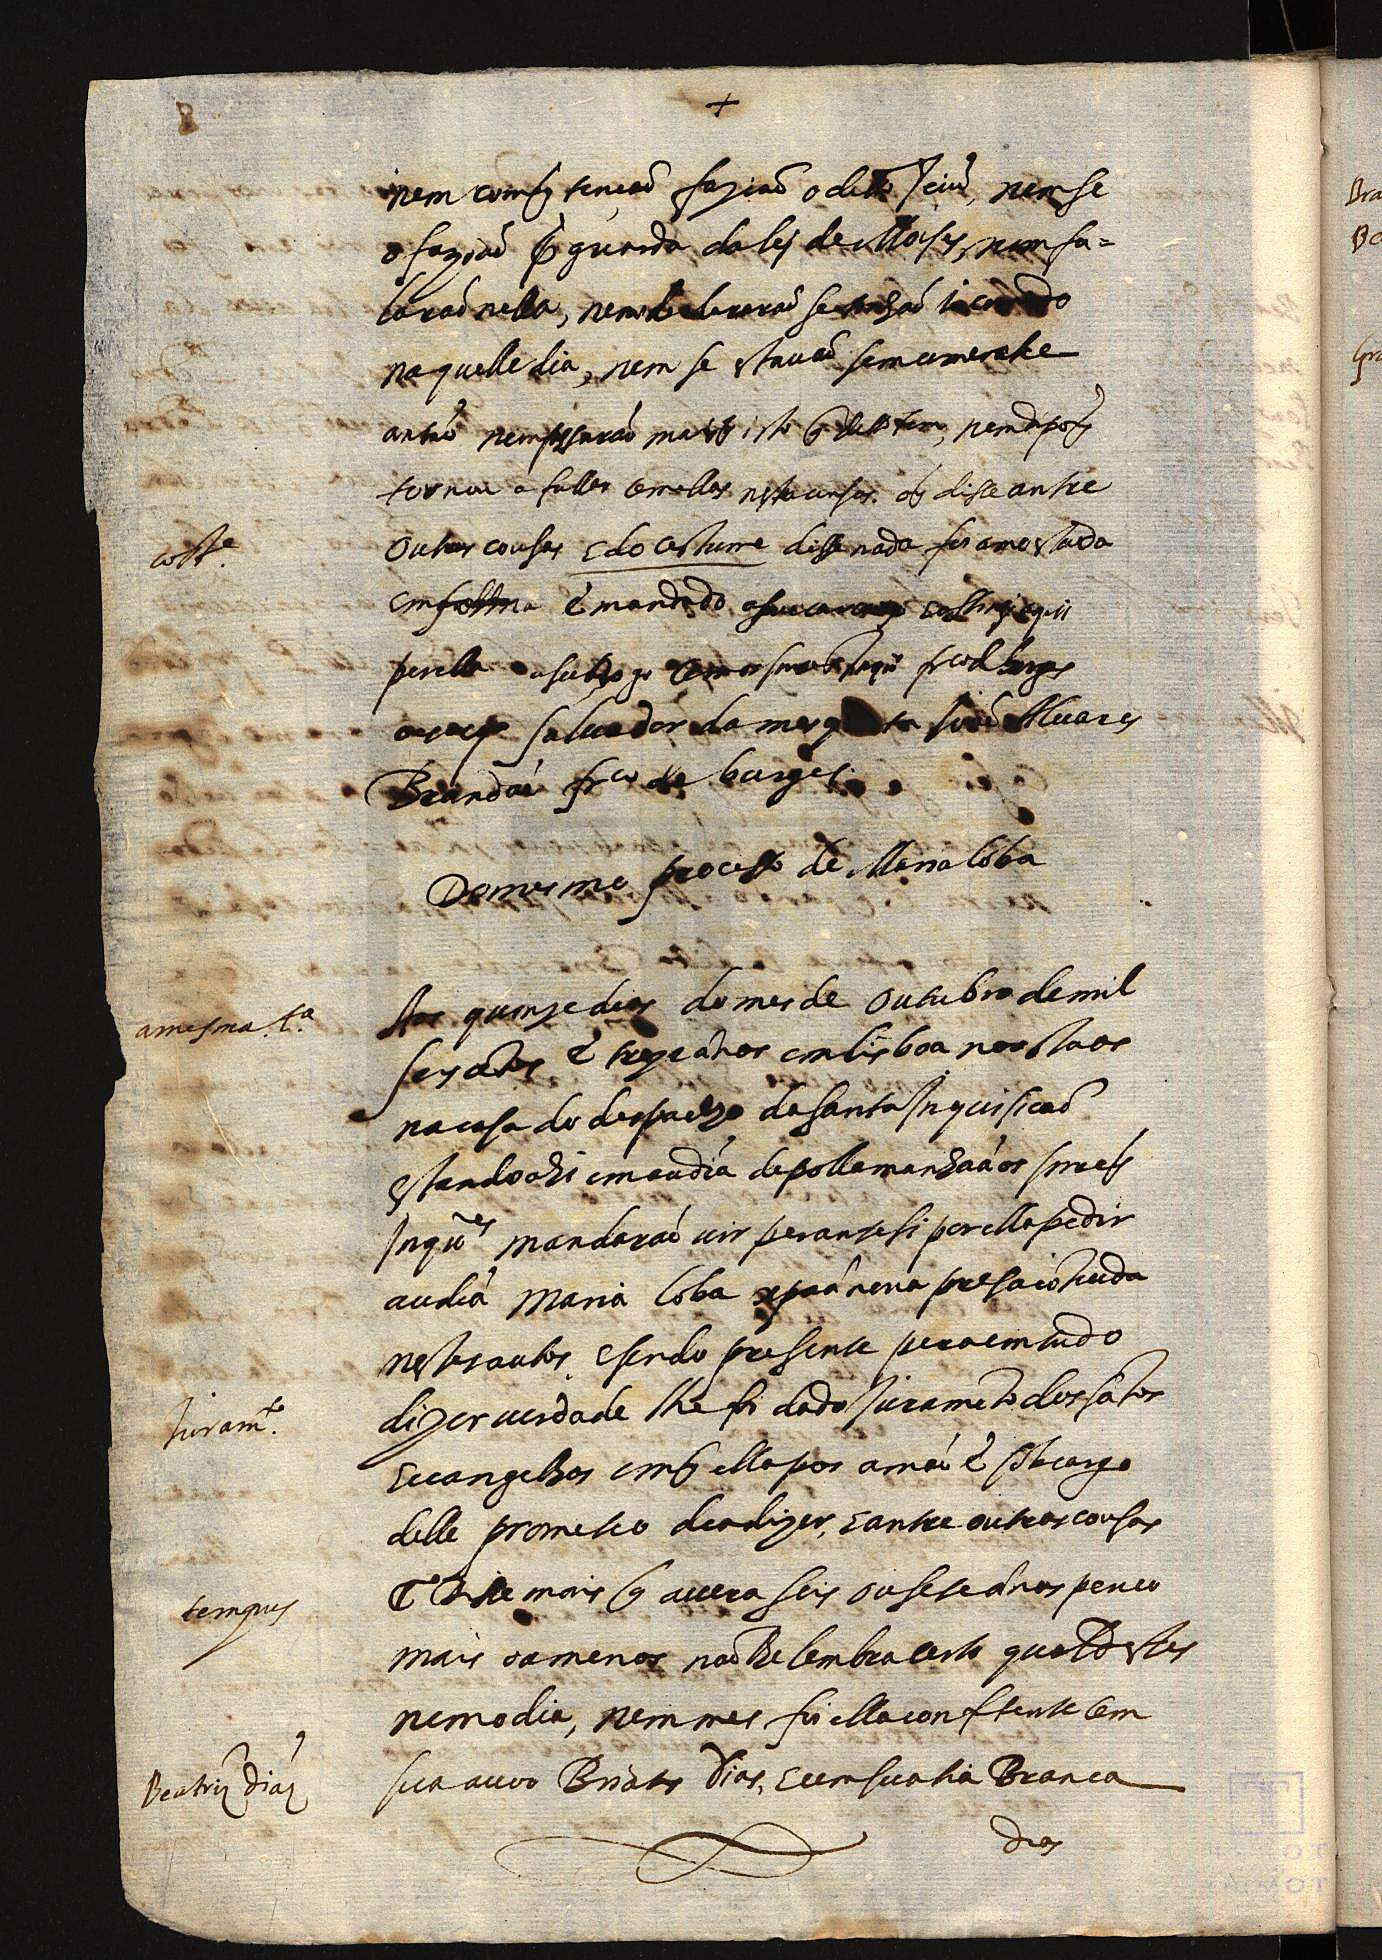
nem com q̄ tençaõ faziaõ o ditto Jeiū, nem se
o faziaõ ꝓ guarda da lej de Moises, nem fa
laraõ nella, nem declararaõ se tinhaõ i_ co__do
naquelle dia, nem se estauaõ sem comer ate
antaõ nem passaraõ mais q̄ isto q̄ ditto tem, nem depois
tornou a fallar com ellas nesta cousas. o q̄ disse antre
outras cousas E do costume disse nada foi amoestada
Em forma & mandado a seu carc___ E assinej aqui
por ella a seu Rogo com os snores Inqur frco de burges
o escreuj saluador da mesq__ta Joaõ Aluares
Brandaõ frco de burges
Do mesmo processo de Maria loba
Aos quinze dias do mes de Outubro de mil
Seiscētos & treze an̄os em lisboa nos estaos
na casa do despacho da santa Jnquisicaõ
estando ahi em audiā de polla manhaã os Snres̄
Inqures mandaraõ uir perante si por ella pedir
audiā maria Loba xpaã noua presa cōteuda
nestes autos, e sendo presente pera em tudo
dizer uerdade lhe foi dado Juramēto dos sātos
Euangelhos em q̄ ella pos a maõ & sob cargo
delle prometeo de o dizer, E antre outras cousas
¶ Disse mais q̄ auera seis ou sete an̄os pouco
mais ou menos naõ lhe lembra certo qual destes
nem o dia, nem mes foi ella confitente com
sua auvo Briatis Dias, E com sua tia Branca
dias
